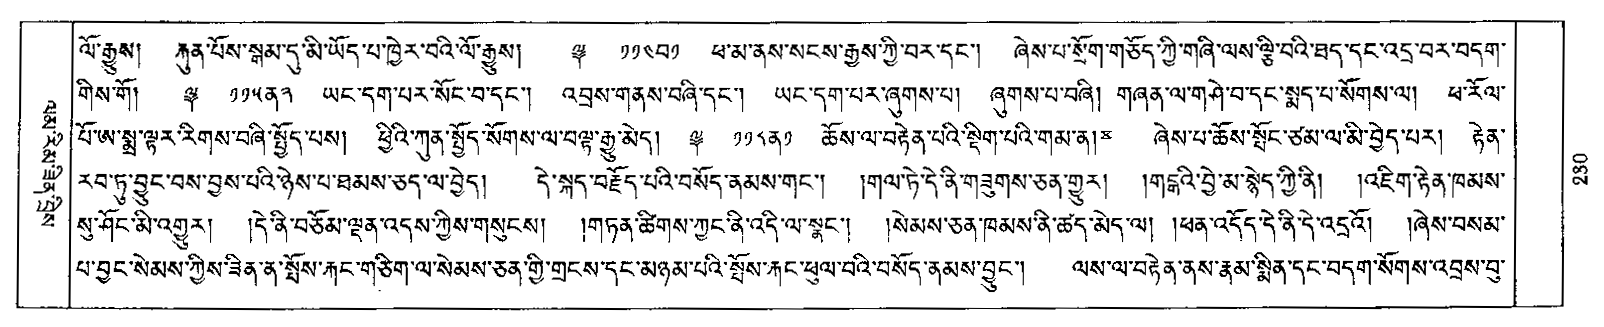ལོ་རྒྱུས། རྐུན་པོས་སྒམ་དུ་མི་ཡོད་པ་ཁྱེར་བའི་ལོ་རྒྱུས། ༈ ༡༡༤་བ ༡་ཕ་མ་ནས་སངས་རྒྱས་ཀྱི་བར་དང་། ཞེས་པ་སྲོག་གཅོད་ཀྱི་གཞི་ལས་ལྕི་བའི་ཐད་དང་འདྲ་བར་བདག་
གིས་གོ། ༈ ༡༡༥་ན ༢་ཡང་དག་པར་སོང་བ་དང་། འབྲས་གནས་བཞི་དང་། ཡང་དག་པར་ཞུགས་པ། ཞུགས་པ་བཞི། གཞན་ལ་གཤེ་བ་དང་སྨད་པ་སོགས་ལ། ཕ་རོལ་
པོ་ཨ་སྨྲ་ལྟར་རིགས་བཞི་སྤྱོད་པས། ཕྱིའི་ཀུན་སྤྱོད་སོགས་ལ་བལྟ་རྒྱུ་མེད། ༈ ༡༡༨་ན ༡་ཆོས་ལ་བརྟེན་པའི་སྡིག་པའི་གམ་ན། ྾་ཞེས་པ་ཆོས་སྤོང་ཙམ་ལ་མི་བྱེད་པར། རྟེན་
རབ་ཏུ་བྱུང་བས་བྱས་པའི་ཉེས་པ་ཐམས་ཅད་ལ་བྱེད། དེ་སྐད་བརྗོད་པའི་བསོད་ནམས་གང་། །གལ་ཏེ་དེ་ནི་གཟུགས་ཅན་གྱུར། །གངྒའི་བྱེ་མ་སྙེད་ཀྱི་ནི། །འཇིག་རྟེན་ཁམས་
སུ་ཤོང་མི་འགྱུར། །དེ་ནི་བཅོམ་ལྡན་འདས་ཀྱིས་གསུངས། །གཏན་ཚིགས་ཀྱང་ནི་འདི་ལ་སྣང་། །སེམས་ཅན་ཁམས་ནི་ཚད་མེད་ལ། །ཕན་འདོད་དེ་ནི་དེ་འདྲའོ། །ཞེས་བསམ་
པ་བྱང་སེམས་ཀྱིས་ཟིན་ན་སྤོས་རྐང་གཅིག་ལ་སེམས་ཅན་གྱི་གྲངས་དང་མཉམ་པའི་སྤོས་རྐང་ཕུལ་བའི་བསོད་ནམས་བྱུང་། ལས་ལ་བརྟེན་ནས་རྣམ་སྨིན་དང་བདག་སོགས་འབྲས་བུ་